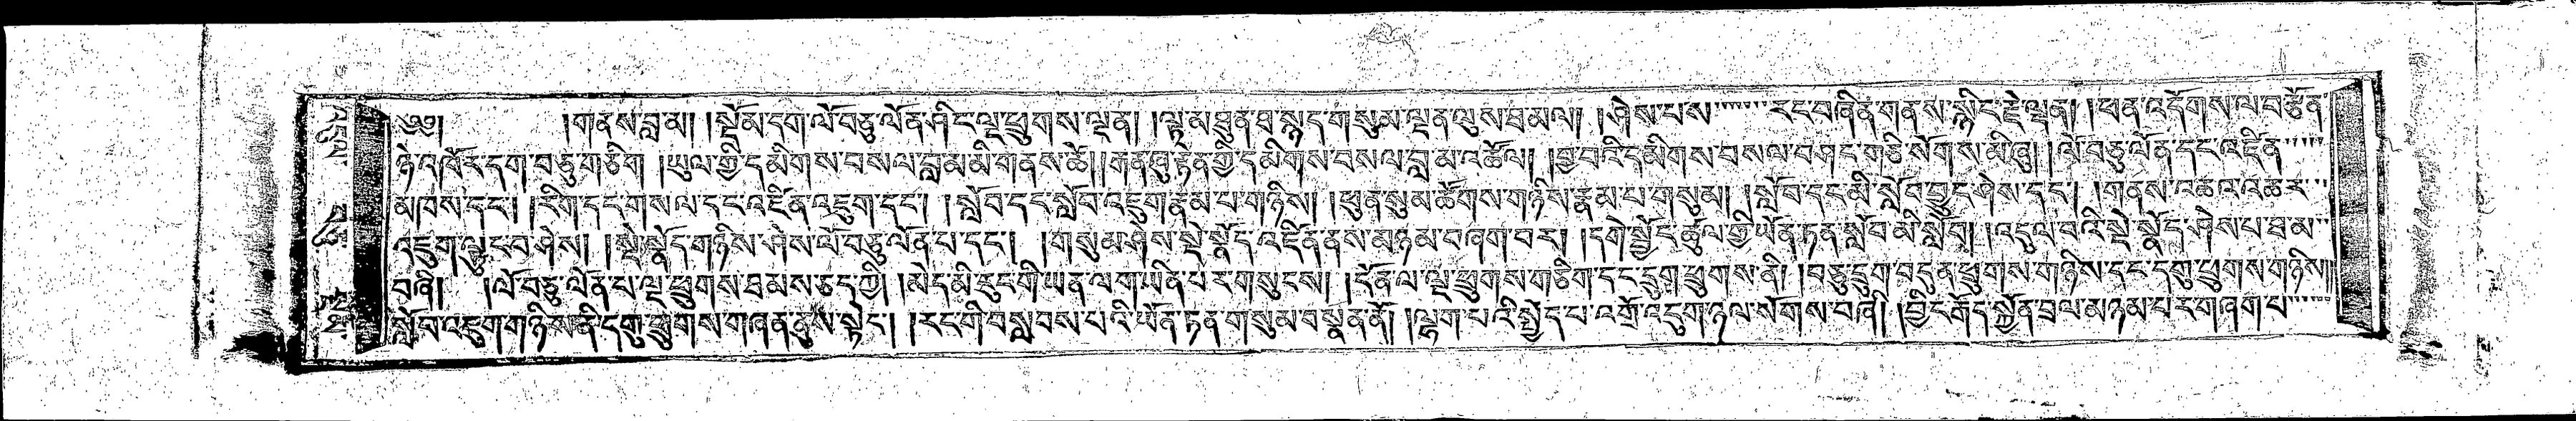༄༅། །གནས་བླ་མ། །སྡོམ་དག་ལོ་བཅུ་ལོན་ཤིང་ལྔ་ཕྲུགས་ལྡན། །ལྟ་མཐུན་ཐ་སྙད་གསུམ་ལྡན་ལུས་ཐ་མལ། །ཤེས་པས་རང་བཞིན་གནས་སྙིང་རྗེ་ལྡན། །ཕན་འདོགས་ལ་བརྩོན་
ཉེ་འཁོར་དག་བཅུ་གཅིག །ཡུལ་གྱི་དམིགས་བསལ་བླ་མ་མི་གནས་ཚེ། །རྒན་ཞུ་རྟེན་གྱི་དམིགས་བསལ་བླ་མ་འཚོལ། །བྱ་བའི་དམིགས་བསལ་བཤང་གཅི་སོགས་མི་ཞུ། །ལོ་བཅུ་ལོན་དང་འཛིན་
མཁས་དང་། །རིག་དང་གསལ་དང་འཛིན་འཇུག་དང་། །སློབ་དང་སློབ་འཇུག་རྣམ་པ་གཉིས། །ཕུན་སུམ་ཚོགས་གཉིས་རྣམ་པ་གསུམ། །སློབ་དང་མི་སློབ་བྱུང་ཤེས་དང་། །གནས་འཆའ་འཆར་
འཇུག་ལྟུང་བ་ཤེས། །སྡེ་སྣོད་གཉིས་ཤེས་ལོ་བཅུ་ལོན་པ་དང་། །གསུམ་ཤེས་སྡེ་སྣོད་འཛིན་ནས་མཉམ་བཞག་བར། །དགེ་སྦྱོང་ཚུལ་གྱི་ཡོན་ཏན་སློབ་མི་སློབ། །འདུལ་བའི་སྡེ་སྣོད་ཤེས་པ་ཐ་མ་
བཞི། །ལོ་བཅུ་ལོན་པ་ལྔ་ཕྲུགས་ཐམས་ཅད་ཀྱི། །མེད་མི་རུང་གི་ཡན་ལག་ཡིན་པར་གསུངས། །དོན་ལ་ལྔ་ཕྲུགས་གཅིག་དང་དྲུག་ཕྲུགས་ནི། །བཅུ་དྲུག་བདུན་ཕྲུགས་གཉིས་དང་དགུ་ཕྲུགས་གཉིས། །
སློབ་འཇུག་གཉིས་ནི་དགུ་ཕྲུགས་གཞན་ནུས་སྟེང་། །རང་གི་སླབས་པའི་ཡོན་ཏན་གསུམ་བསྣན་ནོ། །ལྷག་པའི་སྤྱོད་པ་འགྲོ་འདུག་ཉལ་སོགས་བཞི། །བྱིང་རྒོད་སྐྱོན་བྲལ་མཉམ་པར་གཞག་པ་